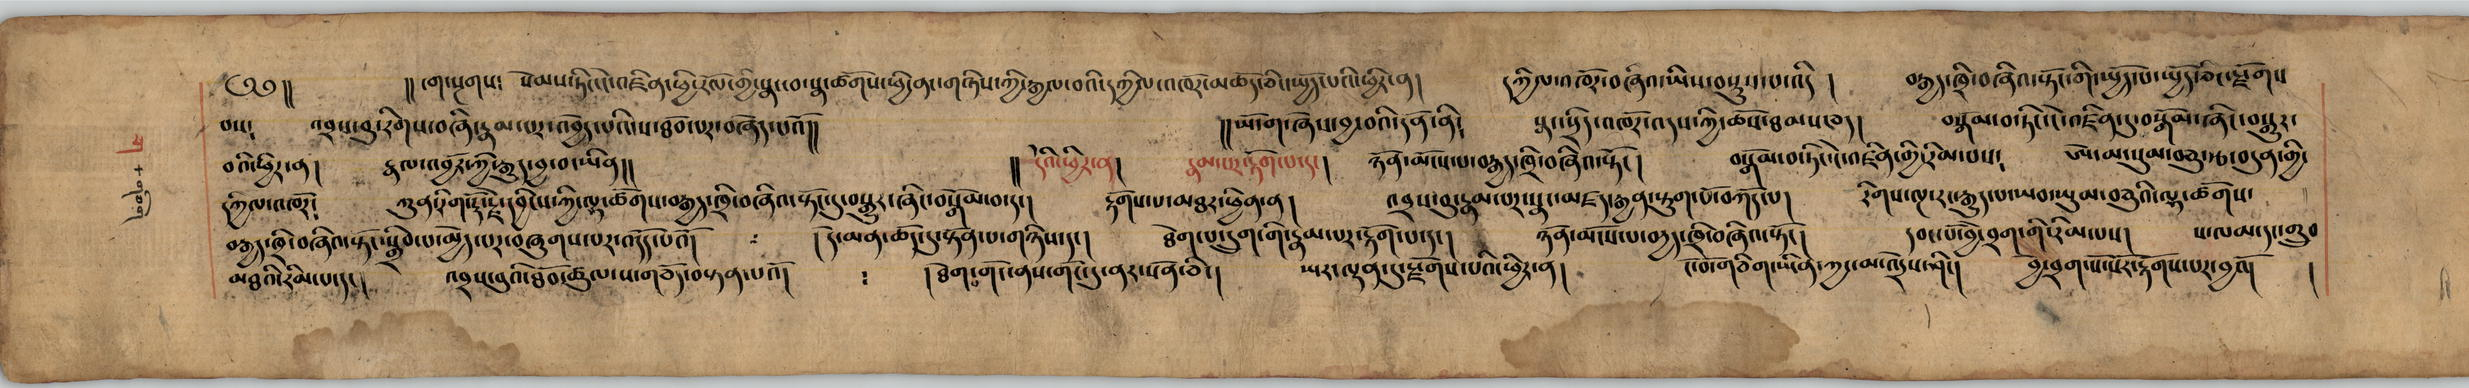༄༅།། །།ངག་སྔགས༴ སེམས་ཏིང་ངེ་འཛིན་ཕྱི་རོལ་གྱི་སྣ་ཚོགས་ཕྱི་ནང་གཉིས་ཀྱི་རྒྱལ་བའི་དཀྱིལ་འཁོར་མཆོད་ཅིང་སྤྱོད་པའི་ཕྱིར་ན། དཀྱིལ་འཁོར་བཞིའ་ཡིས་བསྡུས་པ་འདི ། བརྒྱད་ཁྲི་བཞིའ་སྟོང་གི་སྤྱོད་ཅིང་སྫོགས
པས༴ འབྲས་བུ་རིགས་བཞི་རྣམ་པར་འབྱེད་པའི་ས་ཐོབ་པར་བཞེད་པའོ།། །།ཡོ་ག་ཞེས་བྱ་བའི་དོན་ནི། སྣང་སྲིད་འཁོར་འདས་ཀྱི་ཆོས་ཐམས་ཅད། བསྒོམ་བ་ཏིང་ངེ་འཛིན་དུ་བསྒོམ་ཞིང་བསྒྱུར་
བའི་ཕྱིར་ན། རྣལ་འབྱོར་ཀྱི་རྒྱུད་བྱ་བ་ཡིན།། །། དེའི་ཕྱིར་ན།རྣམ་པར་རྟོག་པ་དང། ཉོན་མོངས་པ་བརྒྱད་ཁྲི་བཞིའ་སྟོང། བསྒོམ་བ་ཏིང་ངར་འཛིན་གྱི་རིམ་པས༴ ཨེ་མ་སུམ་བཅུ་རྩ་བདུན་གྱི་
དཀྱིལ་འཁོར། ཀུན་རིག་རྡོ་རྗེ་དབྱིངས་ཀྱི་ལྷ་ཚོགས་བརྒྱད་ཁྲི་བཞིའ་སྟོང་དུ་བསྒྱུར་ཞིང་བསྒོམ་བ་དང། རྟོགས་པ་མཐར་ཕྱིན་ན། འབྲས་བུ་རྣམ་པར་སྣང་མཛད་རྒྱན་སྟུག་པོ་བཀོད་པ། རིགས་ལྔ་རང་རྒྱུད་པ་ཡབ་ཡུམ་བཅུའི་ལྷ་ཚོགས་
བརྒྱད་ཁྲི་བཞིའ་སྟོང་སྒྲིབ་པ་མྱེད་པར་བཞུགས་པར་འདོད་པའོ། །དེ་མན་ཆོད་སྟོན་པ་གཉིས་དང། ཐེག་པ་དྲུག་གི་རྣམ་པར་རྟོག་པ་དང། ཉོན་མོངས་པ་བརྱད་ཁྲི་བཞིའ་སྟོང། དབང་པོ་བྱེ་བྲག་གི་རིམ་པས། ས་ལམ་དང་གྲུབ
མཐའི་རིམ་པ་དང། འབྲས་བུའི་ཐོབ་ཚུལ་ས་གཅོད་བསྟན་པའོ། ༴ །ཐེག་པ་གོང་ནས་གོང་དུ་ནར་སོན་ཅིང། ཡར་ལྡན་དུ་རྫོགས་པའི་ཕྱིར་ན། ངོ་བོ་གཅིག་ཡིན་ཀྱང་མ་འདྲེས་ཤིང། བྱེ་བྲག་སོ་སོར་རྟོགས་པར་བྱའོ།